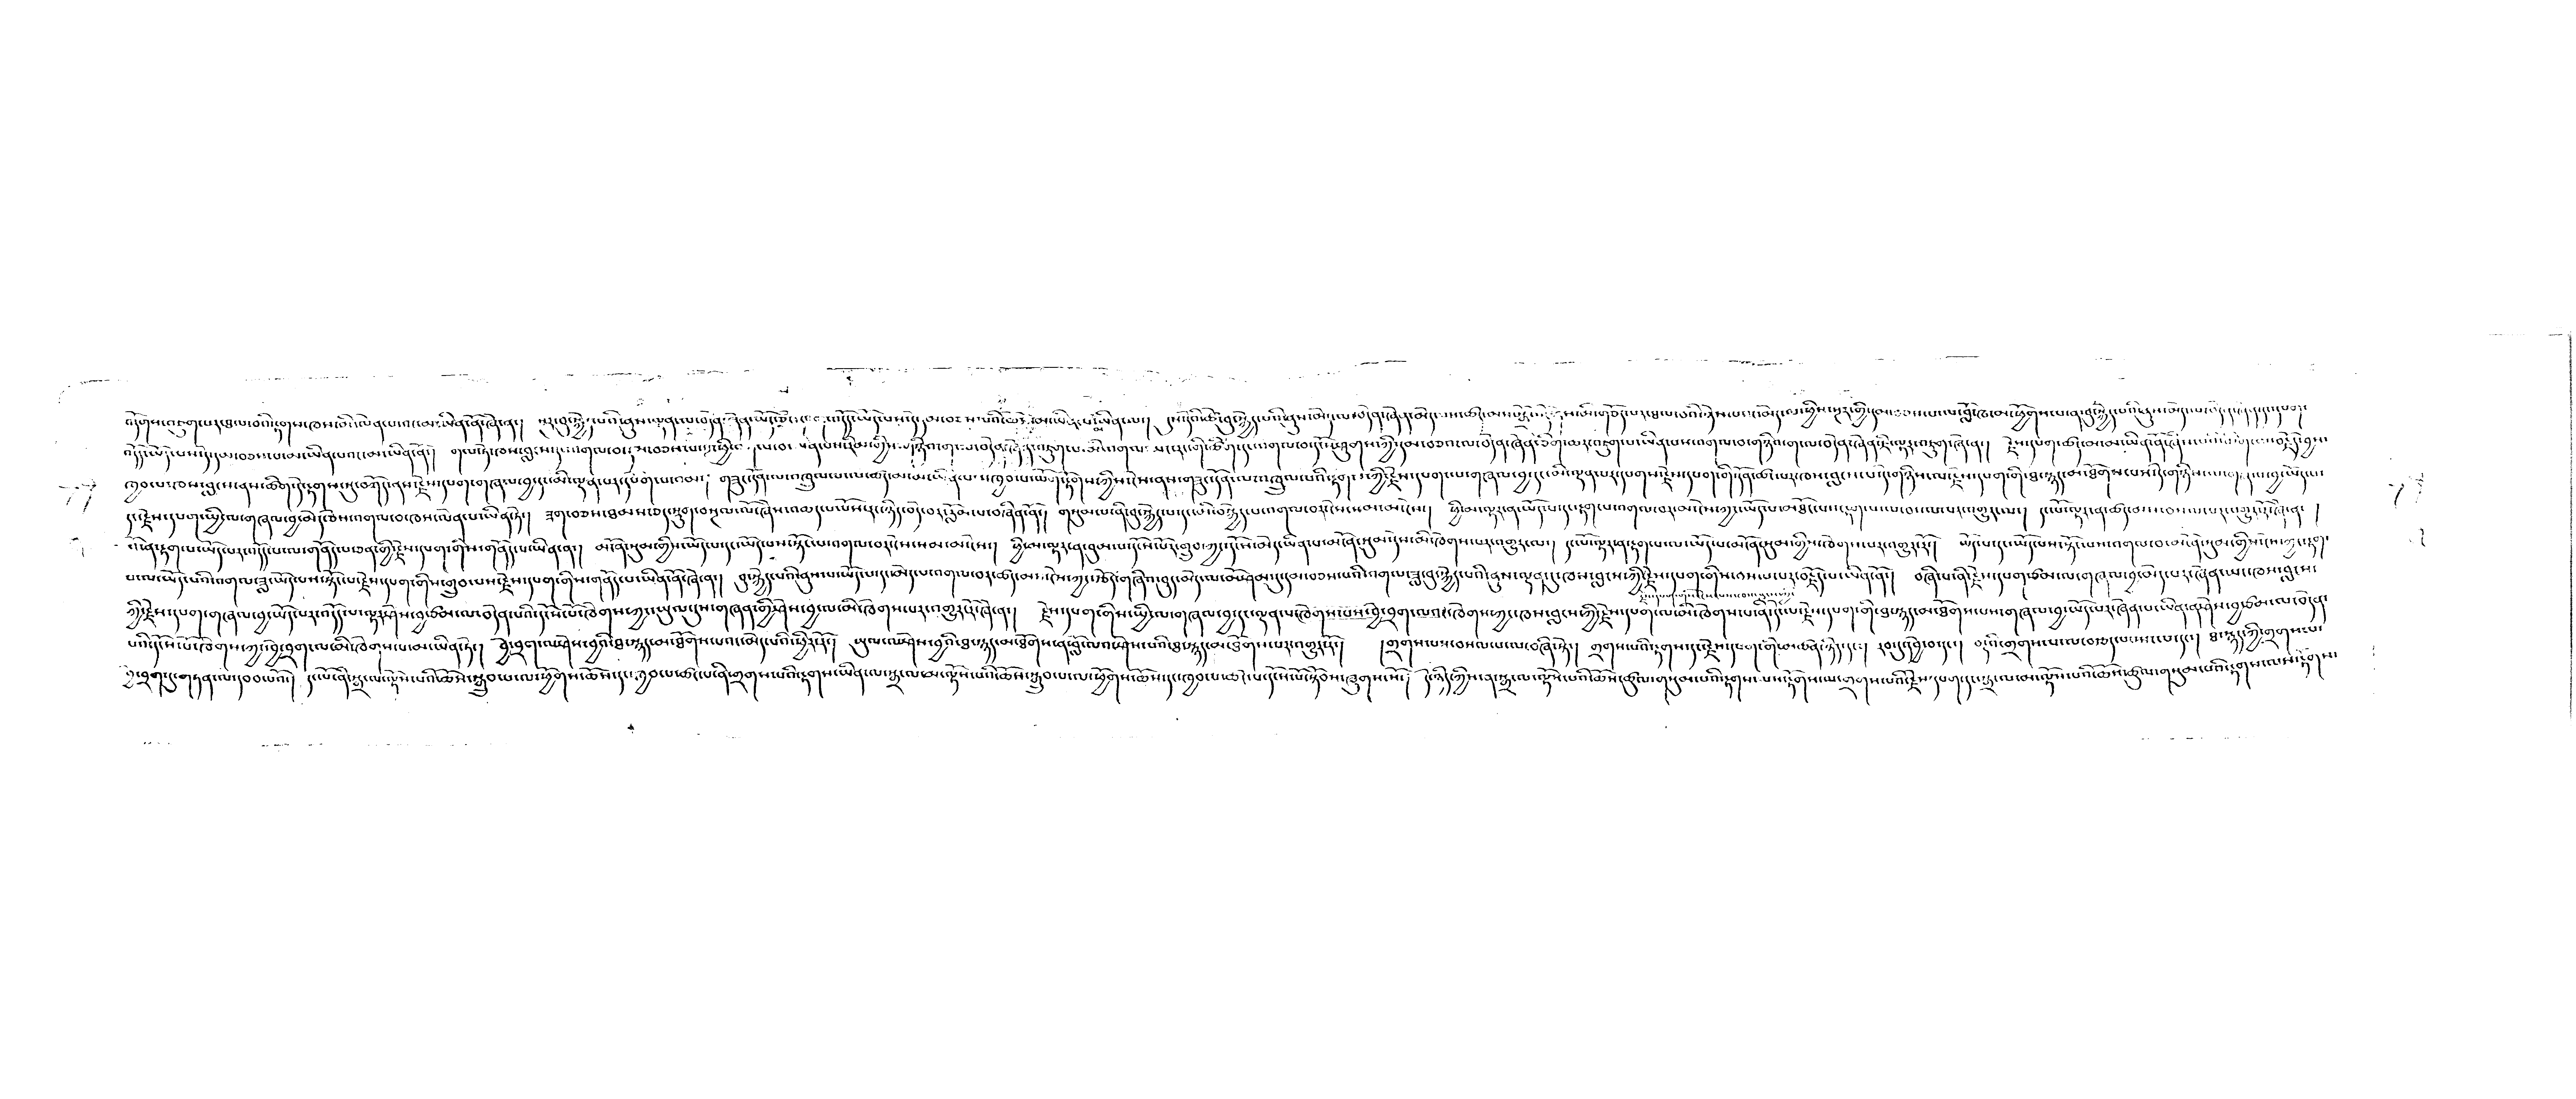འདོགས་འཇུག་པར་ཐལ་བའི་རྟགས་ཁས་མི་ལེན་པ་འང་མ་ཡིན་ནོ་ཞེ་ན། སྔར་བུ་སྐྱེད་པའི་ནུས་ལྡན་པ་བདེན་ཞེན་ཡོད་ཅིང་དཔག་འདོད་ཡོད་པས་དེ་དམ་བཅས་པའི་ཆོས་མ་ཡིན་པ་མ་ཡིན་ལ། དུས་དེའི་ཚེ་བུ་སྐྱེད་པའི་ནུས་མེད་ལ་བདེན་ཞེན་མེད་པས་ཚད་མས་སྒྲོ་འདོགས་མི་གཅོད་པར་ཐལ་བའི་ཉེས་པའང་མེད་ལ་ཕྱིས་སྔར་གྱི་དམ་བཅས་པ་ལ་བློ་ཁ་མ་ཕྱོགས་པ་ན་བུ་སྐྱེད་པའི་ནུས་མེད་པ་བདེན་ཞེན་དང་དཔག་
འདོད་ཡོད་པས་དེ་དམ་བཅས་པ་མ་ཡིན་པའང་མ་ཡིན་ནོ། གལ་ཏེ་ཁས་བླངས་དང?་འགལ་བ་དམ་བཅས་པ་སྔ་ཕྱི་འགལ་བ་ཡིན་པས་རིམ་གྱིས་གཉིའ་ག་ལ་བདེན་ཞེན་འཇུག་པ་མི་འགལ་ཡང་རང་གི་ཚིག་དང་འགལ་བ་དངོས་ཤུགས་ཀྱི་དམ་བཅའ་ལ་བདེན་ཞེན་ཅིག་ཆར་འཇུག་པ་ཡིན་པས་འགལ་བ་གཉིའ་ག་ལ་བདེན་ཞེན་ཇི་ལྟར་འཇུག་ཞེ་ན། རྗེས་དཔག་ཚད་མ་མ་ཡིན་ནོ་ཞེས་པའི་ཚིག་མ་བརྗོད་བྱས་
ཁྱབ་པ་ཁས་བླངས་ནས་ཚིག་དེ་རྟགས་སུ་བཀོད་ནས་རྗེས་དཔག་གཞལ་བྱ་དང་མི་ལྡན་པར་དཔོག་པ་འམ། གཟུང་དོན་ལ་འཁྲུལ་པ་ལ་ཚད་མ་མ་ཡིན་པས་ཁྱབ་པ་ཆོག?་རྟོགས་ཀྱིས་ངེས་ནས་གཟུང་དོན་ལ་འཁྲུལ་པའི་རྟགས་ཀྱི་རྗེས་དཔག་ལ་གཞལ་བྱ་དང་མི་ལྡན་པར་དཔགས་རྗེས་དཔག་གི་དོན་ཚང་པར་ཁས་བླངས་པ་དེ་གཉིས་ལ་རྗེས་དཔག་གི་ཐ་སྙད་མ་ཐོགས་པས་དེ་གཉིས་ལ་གཞལ་བྱ་ཡོད་པ་
དང་རྗེས་དཔག་སྤྱི་ལ་གཞལ་བྱ་མེད་ཅེས་འགལ་བ་ཁས་ལེན་པ་ཡིན་ཏེ། ཟག་བཅས་ཐམས་ཅད་སྡུག་བསྔལ་ལོ་ཞེས་འཆད་པ་པོས་རང་ཉིད་བདེ་བར་རློམ་པ་བཞིན་ནོ། གསུམ་པ་ནི་བུ་སྐྱེད་པ་དང་མི་བསྐྱེད་པ་འགལ་བར་ངེས་སམ་མ་ངེས། ཕྱི་མ་ལྟར་ན་ཡོད་པ་དང་རྟག་པ་འགལ་བར་མ་ངེས་ཀྱང་ཡོད་པ་མཐོང་པས་རྟག་པ་ལ་བསལ་པར་འགྱུར་ལ། དང་པོ་ལྟར་ན་ཚད་མས་བསལ་པར་འགྱུར་རོ་ཞེ་ན།
འོ་ན་རྟག་པ་ཡོད་པར་འདོད་པ་ལ་གནོད་པ་ཅན་གྱི་རྗེས་དཔག་གིས་གནོད་པ་ཡིན་ན། མངོན་སུམ་གྱིས་ཡོད་པ་དང་ཡོད་པས་སྟོང་པ་འགལ་བར་ངེས་སམ་མ་ངེས། ཕྱི་མ་ལྟར་ན་བུམ་པ་དངོས་པོར་གྲུབ་ཀྱང་དངོས་མེད་ཡིན་པ་མངོན་སུམ་དེས་མི་ཁེགས་པར་འགྱུར་ལ། དང་པོ་ལྟར་ན་རྟག་པ་ལ་ཡོད་པ་མངོན་སུམ་གྱིས་ཁེགས་པར་འགྱུར་རོ། ཡོད་པ་དང་ཡོད་པས་སྟོང་པས་འགལ་བ་མངོན་སུམ་གྱིས་ངེས་ཀྱང་རྟག་
པ་ལ་ཡོད་པའི་འགལ་ཟླ་ཡོད་པས་སྟོང་པ་རྗེས་དཔག་གིས་གྲུབ་པས་རྗེས་དཔག་གིས་གནོད་པ་ཡིན་ནོ་ཞེ་ན། བུ་སྐྱེད་པའི་ནུས་པ་ཡོད་པ་དང་མེད་པ་འགལ་བར་ཚད་མས་ངེས་ཀྱང་རྩོད་གཞིའ་བུད་མེད་ལ་མོ་ཤམ་དུ་དམ་བཅས་པའི་འགལ་ཟླ་བུ་སྐྱེད་པའི་ནུས་ལྡན་དུ་ཁས་བླངས་ཀྱི་རྗེས་དཔག་གིས་བསལ་པར་བརྗོད་པ་ཡིན་ནོ། བཞི་པ་ནི་རྗེས་དཔག་ཙམ་ལ་གཞལ་བྱ་མེད་པར་ཞེན་ཡང་ཁས་བླངས་
ཀྱི་རྗེས་དཔག་གཞལ་བྱ་ཡོད་པར་འདོད་པ་ལྟར་ཤེས་བྱ་ཙམ་ལ་བདེན་པའི་དངོས་པོ་ཁེགས་ཀྱང་ཡུལ་དུས་གཞན་གྱི་ཤེས་བྱ་ལ་མི་ཁེགས་པར་འགྱུར་རོ་ཞེ་ན། རྗེས་དཔག་གིས་སྤྱི་ལ་གཞལ་བྱ་དང་ལྡན་པ་ཁེགས་པས་བྱེ་བྲག་ལའང་ཁེགས་ཀྱང་ཁས་བླངས་ཀྱི་རྗེས་དཔག་ལ་མི་ཁེགས་པ་ནི་དེ་ལ་རྗེས་དཔག་གི་ཐ་སྙད་མ་ཐོགས་པས་གཞལ་བྱ་ཡོད་པར་ཞེན་པ་ཡིན་ན་ཤེས་བྱ་ཙམ་ལ་བདེན་
པའི་དངོས་པོ་ཁེགས་ཀྱང་བྱེ་བྲག་ལ་མི་ཁེགས་པ་མ་ཡིན་ཏེ། བྱེ་བྲག་ལ་ཤེས་བྱའི་ཐ་སྙད་མ་ཐོགས་པའང་མེད་པའི་ཕྱིར་རོ། ཡུལ་ལ་ཤེས་བྱའི་ཐ་སྙད་མ་ཐོགས་ན་བློ་ལའང་ཤེས་པའི་ཐ་སྙད་མ་ཐོགས་པར་འགྱུར་རོ། །གྲངས་པས་བསལ་པ་ལ་བཞི་སྟེ། གྲགས་པའི་རྟགས་དང་རྗེས་དཔག་གི་མཚན་ཉིད་དང་། རབ་དུ་དབྱེ་བ་དང་། བརྡའི་གྲགས་པ་ལ་བརྩད་པ་སྤང་པ་དང་། ཐ་སྙད་ཀྱི་གྲགས་པ་
བྱེ་བྲག་དུ་གཏན་ལ་དབབ་པའོ། དང་པོ་ནི་སྒྲ་ལ་ལྟོས་པའི་ཆོས་སྒྲུབ་པ་ལ་ཕྱོགས་ཆོས་དང་ཁྱབ་པ་ཚང་པ་ནི་གྲགས་པའི་རྟགས་ཡིན་ལ་སྒྲ་ལ་མ་ལྟོས་པའི་ཆོས་སྒྲུབ་པ་ལ་ཕྱོགས་ཆོས་དང་ཁྱབ་པ་ཚང་པ་དངོས་པོ་སྟོབས་ཞུགས་སོ། དེ་ཉིད་ཀྱིས་ན་སྒྲ་ལ་ལྟོས་པའི་ཆོས་ཚུལ་གསུམ་པའི་རྟགས་པས་རྟོགས་ལ་གྲགས་པའི་རྗེས་དཔག་དང་སྒྲ་ལ་མ་ལྟོས་པའི་ཆོས་ཚུལ་གསུམ་པའི་རྟགས་ལས་རྟོགས་